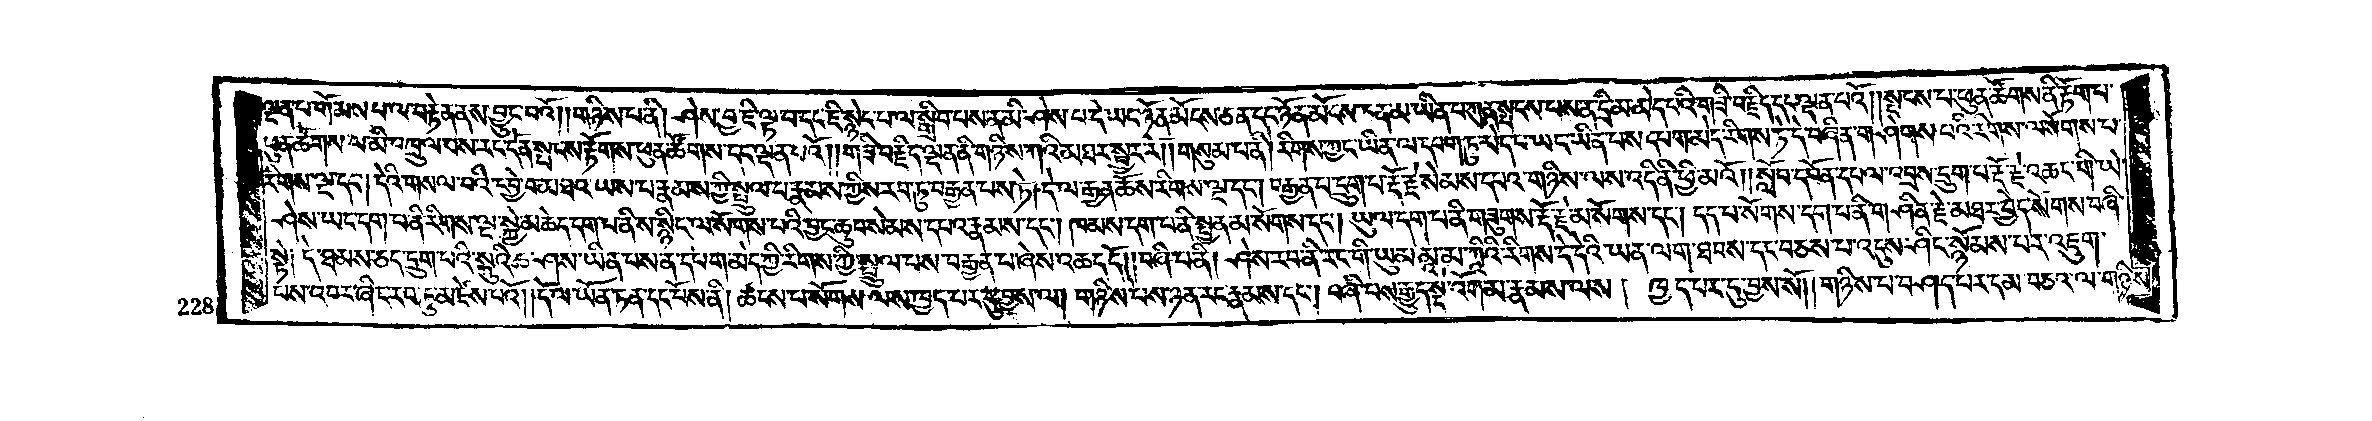ལྡན་པ་གོམས་པ་ལ་བརྟེན་ནས་བྱུང་བའོ། །གཉིས་པ་ནི། ཤེས་བྱ་ཇི་ལྟ་བ་དང་ཇི་སྙེད་པ་ལ་སྒྲིབ་པས་ན་མི་ཤེས་པ་དེ་ཡང་ཉོན་མོངས་ཅན་དང་ཉོན་མོངས་ཅན་མ་ཡིན་པ་ཀུན་སྤངས་པས་ན་དྲི་མ་མེད་པའི་གཟི་བརྗོད་དང་ལྡན་པའོ་།སྔངས་པ་ཕུན་ཚོགས་ནི་རྟོག་པ་
ཕུན་ཚོགས་ལ་མི་འཁྲུལ་བས་རང་དོན་སྤངས་རྟོགས་ཕུན་ཚོགས་དང་ལྡན་པའོ། །གཟི་བརྗིད་ལྡན་ནི་གཉིས་ཀའི་མཐར་སྦྱར་རོ། །གསུམ་པ་ནི། རིགས་ཀྱང་ཡིན་ལ་དཔག་ཏུ་མེད་པ་ཡང་ཡིན་པས་དཔག་མེད་རིགས་ཏེ་དེ་བཞིན་གཤེགས་པའི་རིགས་ལ་སོགས་པ་
རིགས་ལྔ་དང་། དེའི་གསལ་བའི་དབྱེ་བ་མཐའ་ཡས་པ་རྣམས་ཀྱི་སྤྲུལ་པ་རྣམས་ཀྱིས་རབ་ཏུ་བརྒྱན་པས་ཏེ། དེ་ལ་རྒྱན་ཆོས་རིགས་ལྔ་དང་། བརྒྱན་པ་དྲུག་པ་རྡོ་རྗེ་སེམས་དཔའ་གཉིས་ལས་འདི་ནི་ཕྱི་མའོ། །སློབ་དཔོན་དཔལ་འབྲས་དྲུག་པ་རྡོ་རྗེ་འཆང་གི་ཡེ་
ཤེས་ཡང་དག་པ་ནི་རིགས་ལྔ་སྐྱེ་མཆེད་དག་པ་ནི་ས་སྙིང་ལ་སོགས་པའི་བྱང་ཆུབ་སེམས་དཔའ་རྣམས་དང་། ཁམས་དག་པ་ནི་སྤྱན་མ་སོགས་དང་། ཡུལ་དག་པ་ནི་གཟུགས་རྡོ་རྗེ་མ་སོགས་དང་། དད་པ་སོགས་དག་པ་ནི་གཤིན་རྗེ་མཐར་བྱེད་སོགས་བཞི་
སྟེ། དེ་ཐམས་ཅད་དྲུག་པའི་སྐུའི་ཆ་ཤས་ཡིན་པས་ན་དཔག་མེད་ཀྱི་རིགས་ཀྱི་སྤྲུལ་པས་བརྒྱན་པ་ཞེས་འཆད་དོ། །བཞི་པ་ནི། ཤེས་རབ་ནི་རང་གི་ཡུམ་མཱ་མ་ཀཱིའི་རིགས་དེ་དེའི་ཡན་ལག་ཐབས་དང་བཅས་པ་འདུས་ཤིང་སྙོམས་པར་འཇུག་
པས་འབར་ཞིང་རབ་ཏུ་མཛེས་པའོ། །དོ་ལ་ཡོན་ཏན་དང་པོས་ནི། ཚངས་པ་སོགས་ལས་ཁྱད་པར་དུ་བྱས་ལ། གཉིས་པས་ཉན་རང་རྣམ་སྡང་། བཞི་པས་རྒྱུད་སྡེ་འོག་མ་རྣམས་ལས། ཁྱད་པར་དུ་བྱས་སོ། །གཉིས་པ་བཤད་པར་དམ་བཅའ་ལ་གཉིས་